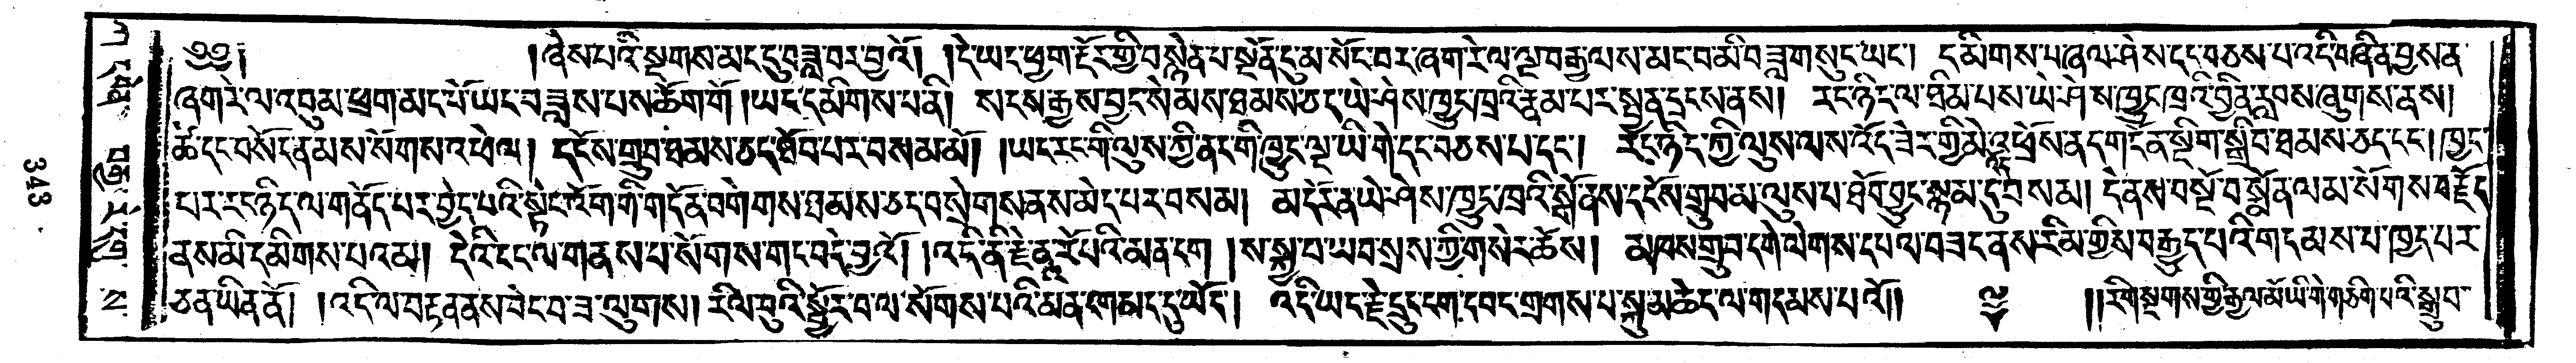༄༅། །ཞེས་པའི་སྔགས་མང་དུ་བཟླ་བར་བྱའོ། །དེ་ཡང་ཕྱག་རྡོར་གྱི་བསྙེན་པ་སྔོན་དུ་མ་སོང་བར་ཞག་རེ་ལ་ལྔ་བརྒྱ་ལས་མང་བ་མི་བཟླ་གསུང་ཡང་། དམིགས་པ་ཞལ་ཤེས་དང་བཅས་པ་འདི་བཞིན་བྱས་ན་
ཞག་རེ་ལ་འབུམ་ཕྲག་མང་པོ་ཡང་བཟླས་པས་ཆོག་གོ །ཡང་དམིགས་པ་ནི། སངས་རྒྱས་བྱང་སེམས་ཐམས་ཅད་ཡེ་ཤེས་ཁྱུང་ཁྲའི་རྣམ་པར་སྤྱན་དྲངས་ནས། རང་ཉིད་ལ་ཐིམ་པས་ཡེ་ཤེས་ཁྱུང་ཁྲའི་བྱིན་རླབས་ཞུགས་ནས།
ཚེ་དང་བསོད་ནམས་སོགས་འཕེལ། དངོས་གྲུབ་ཐམས་ཅད་ཐོབ་པར་བསམ་མོ། །ཡང་རང་གི་ལུས་ཀྱི་ནང་གི་ཁྱུང་ལྔ་ཡི་གེ་དང་བཅས་པ་དང་། རང་ཉིད་ཀྱི་ལུས་ལས་འོད་ཟེར་གྱི་མེ་འོད་འཕྲོས་ནད་གདོན་སྡིག་སྒྲིབ་ཐམས་ཅད་དང་། ཁྱད་
པར་རང་ཉིད་ལ་གནོད་པར་བྱེད་པའི་སྟེང་འོག་གི་གདོན་བགེགས་ཐམས་ཅད་བསྲེགས་ནས་མེད་པར་བསམ། མདོར་ན་ཡེ་ཤེས་ཁྱུང་ཁྲའི་སྒོ་ནས་དངོས་གྲུབ་མ་ལུས་པ་ཐོབ་བྱུང་སྙམ་དུ་བསམ། དེ་ནས་བསྔོ་བ་སྨོན་ལམ་སོགས་བརྗོད་
ནས་མི་དམིགས་པའམ། དེའི་ངང་ལ་གནས་པ་སོགས་གང་བདེ་བྱའོ། །འདི་ནི་རྗེ་ནཱ་རོ་པའི་མན་ངག །ས་སྐྱ་པ་ཡབ་སྲས་ཀྱི་གསེར་ཆོས། མཁས་གྲུབ་དགེ་ལེགས་དཔལ་བཟང་ནས་རིམ་གྱིས་བརྒྱུད་པའི་གདམས་པ་ཁྱད་པར་
ཅན་ཡིན་ནོ། །འདི་ལ་བརྟན་ནས་བེང་བ་ཟ་ལུགས། རིལ་བུའི་སྦྱོར་བ་ལ་སོགས་པའི་མན་ངག་མང་དུ་ཡོད། འདི་ཡང་རྗེ་དྲུང་ངག་དབང་གྲགས་པ་སྐུ་མཆེད་ལ་གདམས་པའོ།། ༈ །།རིག་སྔགས་གྱི་རྒྱལ་མོ་ཡི་གེ་གཅིག་པའི་སྒྲུབ་